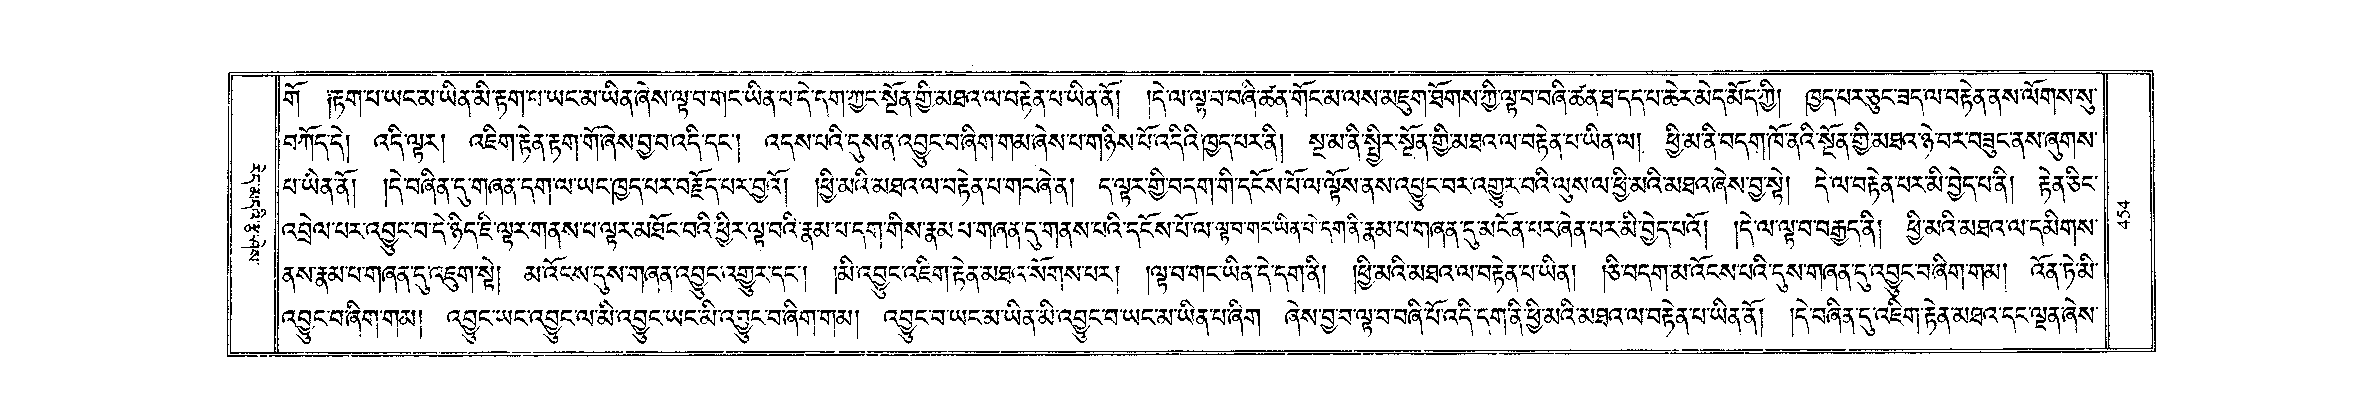གོ ༑རྟག་པ་ཡང་མ་ཡིན་མི་རྟག་པ་ཡང་མ་ཡིན་ཞེས་ལྟ་བ་གང་ཡིན་པ་དེ་དག་ཀྱང་སྔོན་གྱི་མཐའ་ལ་བརྟེན་པ་ཡིན་ནོ། །དེ་ལ་ལྟ་བ་བཞི་ཚན་གོང་མ་ལས་མཇུག་ཐོགས་ཀྱི་ལྟ་བ་བཞི་ཚན་ཐ་དད་པ་ཆེར་མེད་མོད་ཀྱི། ཁྱད་པར་ཅུང་ཟད་ལ་བརྟེན་ནས་ལོགས་སུ་
བཀོད་དེ། འདི་ལྟར། འཇིག་རྟེན་རྟག་གོ་ཞེས་བྱ་བ་འདི་དང་། འདས་པའི་དུས་ན་འབྱུང་བ་ཞིག་གམ་ཞེས་པ་གཉིས་པོ་འདིའི་ཁྱད་པར་ནི། སྔ་མ་ནི་སྤྱིར་སྔོན་གྱི་མཐའ་ལ་བརྟེན་པ་ཡིན་ལ། ཕྱི་མ་ནི་བདག་ཁོ་ནའི་སྔོན་གྱི་མཐའ་ཉེ་བར་བཟུང་ནས་ཞུགས་
པ་ཡིན་ནོ། །དེ་བཞིན་དུ་གཞན་དག་ལ་ཡང་ཁྱད་པར་བརྗོད་པར་བྱའོ། །ཕྱི་མའི་མཐའ་ལ་བརྟེན་པ་གང་ཞེ་ན། ད་ལྟར་གྱི་བདག་གི་དངོས་པོ་ལ་ལྟོས་ནས་འབྱུང་བར་འགྱུར་བའི་ལུས་ལ་ཕྱི་མའི་མཐའ་ཞེས་བྱ་སྟེ། དེ་ལ་བརྟེན་པར་མི་བྱེད་པ་ནི། རྟེན་ཅིང་
འབྲེལ་པར་འབྱུང་བ་དེ་ཉིད་ཇི་ལྟར་གནས་པ་ལྟར་མཐོང་བའི་ཕྱིར་ལྟ་བའི་རྣམ་པ་དག་གིས་རྣམ་པ་གཞན་དུ་གནས་པའི་དངོས་པོ་ལ་ལྟ་བ་གང་ཡིན་པ་དག་ནི་རྣམ་པ་གཞན་དུ་མངོན་པར་ཞེན་པར་མི་བྱེད་པའོ། །དེ་ལ་ལྟ་བ་བརྒྱད་ནི། ཕྱི་མའི་མཐའ་ལ་དམིགས་
ནས་རྣམ་པ་གཞན་དུ་འཇུག་སྟེ། མ་འོངས་དུས་གཞན་འབྱུང་འགྱུར་དང་། །མི་འབྱུང་འཇིག་རྟེན་མཐའ་སོགས་པར། །ལྟ་བ་གང་ཡིན་དེ་དག་ནི། །ཕྱི་མའི་མཐའ་ལ་བརྟེན་པ་ཡིན། །ཅི་བདག་མ་འོངས་པའི་དུས་གཞན་དུ་འབྱུང་བ་ཞིག་གམ། འོན་ཏེ་མི་
འབྱུང་བ་ཞིག་གམ། འབྱུང་ཡང་འབྱུང་ལ་མི་འབྱུང་ཡང་མི་འབྱུང་བ་ཞིག་གམ། འབྱུང་བ་ཡང་མ་ཡིན་མི་འབྱུང་བ་ཡང་མ་ཡིན་པ་ཞིག་ཞེས་བྱ་བ་ལྟ་བ་བཞི་པོ་འདི་དག་ནི་ཕྱི་མའི་མཐའ་ལ་བརྟེན་པ་ཡིན་ནོ། །དེ་བཞིན་དུ་འཇིག་རྟེན་མཐའ་དང་ལྡན་ཞེས་